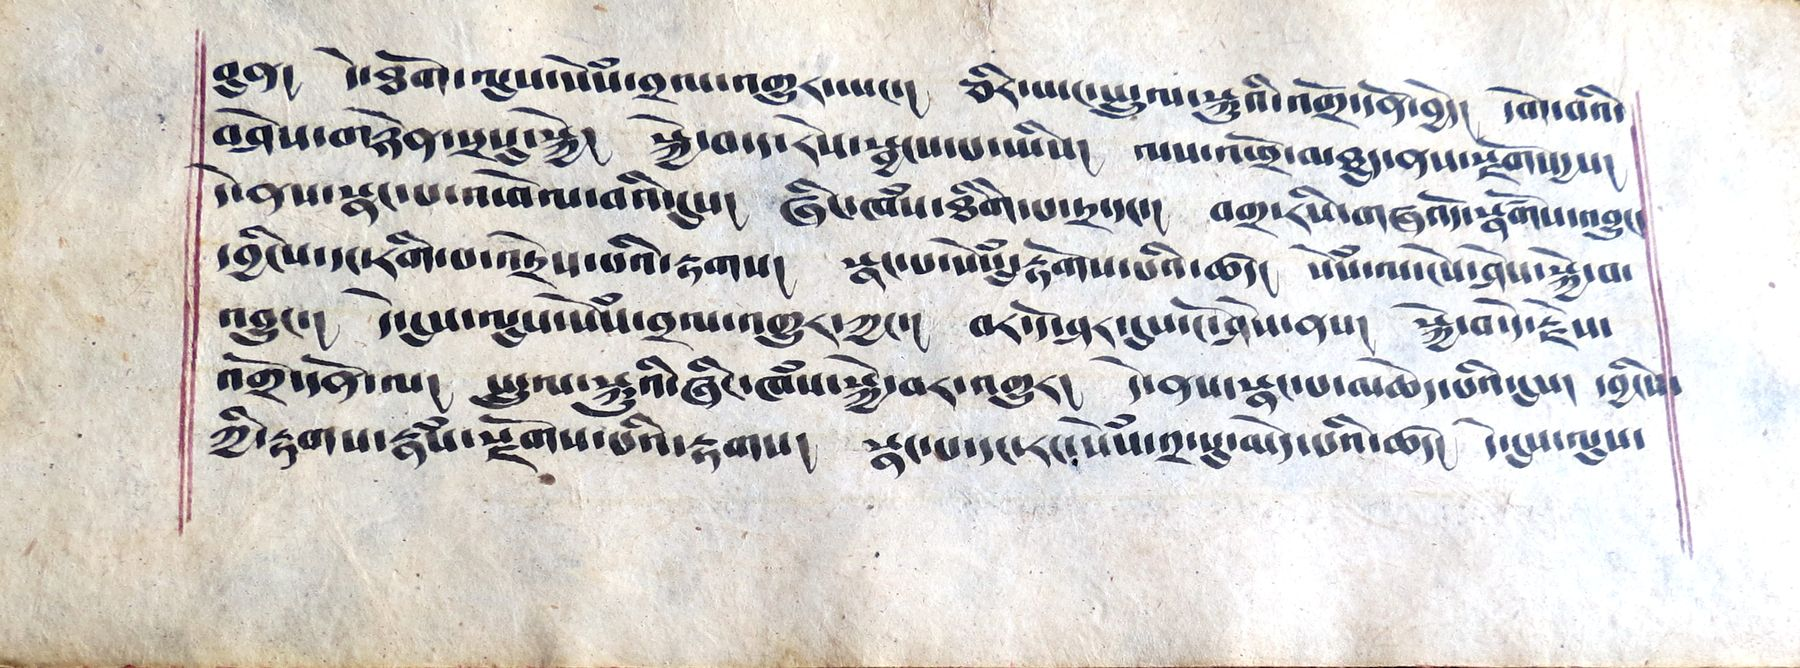བུན། ། དེ་ཐོག་ལུས་སེམས་བྲལ་གྱུར་ཡང་། ། ཅི་ཡང་སྤྲུལ་སྐུས་འགྲོ་དོན་བྱེད། ། དགེ་བའི་
བཤེས་གཉེན་སྲས་སུ་སྐྱེ། ། སྐྱེ་བ་ད་རེས་སྦྱང་བ་ཡིས། ། ལས་འཕྲོ་འཐུད་ནས་རྫོགས་སངས་རྒྱས། ། 
དེ་ནས་སྣང་བ་འཕེལ་བའི་དུས། ། ཞིང་ཁམས་ཐིག་ལེ་པ་ཏྲ་དང་། ། དྲྭ་རིས་གཞའ་འོད་སྣ་ཚོགས་འབྱུང་། ། 
དབྱིངས་དང་རིག་པ་འདྲེས་པའི་རྟགས། ། སྣང་བ་སེམས་སུ་རྟོགས་པའི་ཚད། ། སེམས་ལ་ངེས་ཤེས་སྐྱེ་བ་
འབྱུང་། ། དེ་དུས་ལུས་སེམས་བྲལ་གྱུར་ཀྱང་། ། བར་དོ་ཤར་དུས་ངོ་ཤེས་ནས། ། སྐྱེ་བ་དེ་རྗེས་
འགྲོ་དོན་ལ། ། སྤྲུལ་སྐུའི་ཞིང་ཁམས་སུ་སྐྱེ་བར་འགྱུར། ། དེ་ནས་སྣང་བ་མཆེད་པའི་དུས། ། དབྱིངས་
ཀྱི་རྟགས་རྣམས་རྫོགས་པའི་རྟགས། ། སྣང་བ་དང་རང་སེམས་གཉིས་སུ་མེད་པའི་ཚད། ། དེ་དུས་ལུས་